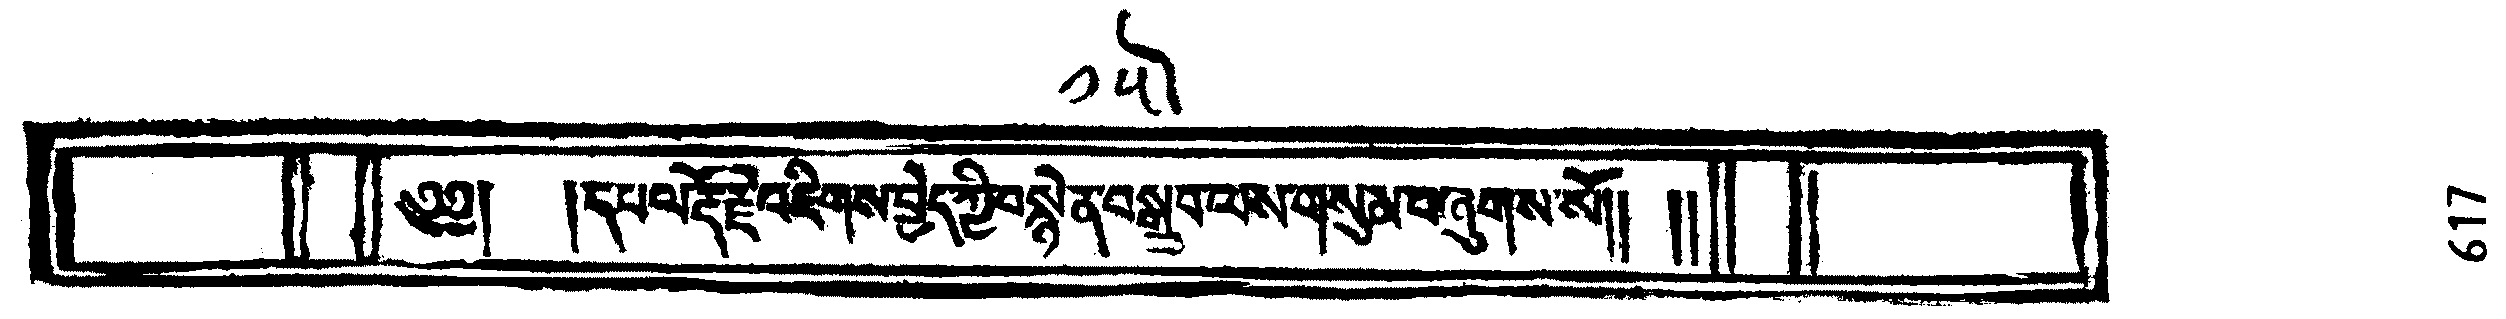༡༥?
༄༅། །དཔལ་རྡོ་རྗེ་འཇིགས་བྱེད་ཀྱི་བསྙེན་བསྒྲུབ་ལས་གསུམ་བཞུགས་སོ།། །།